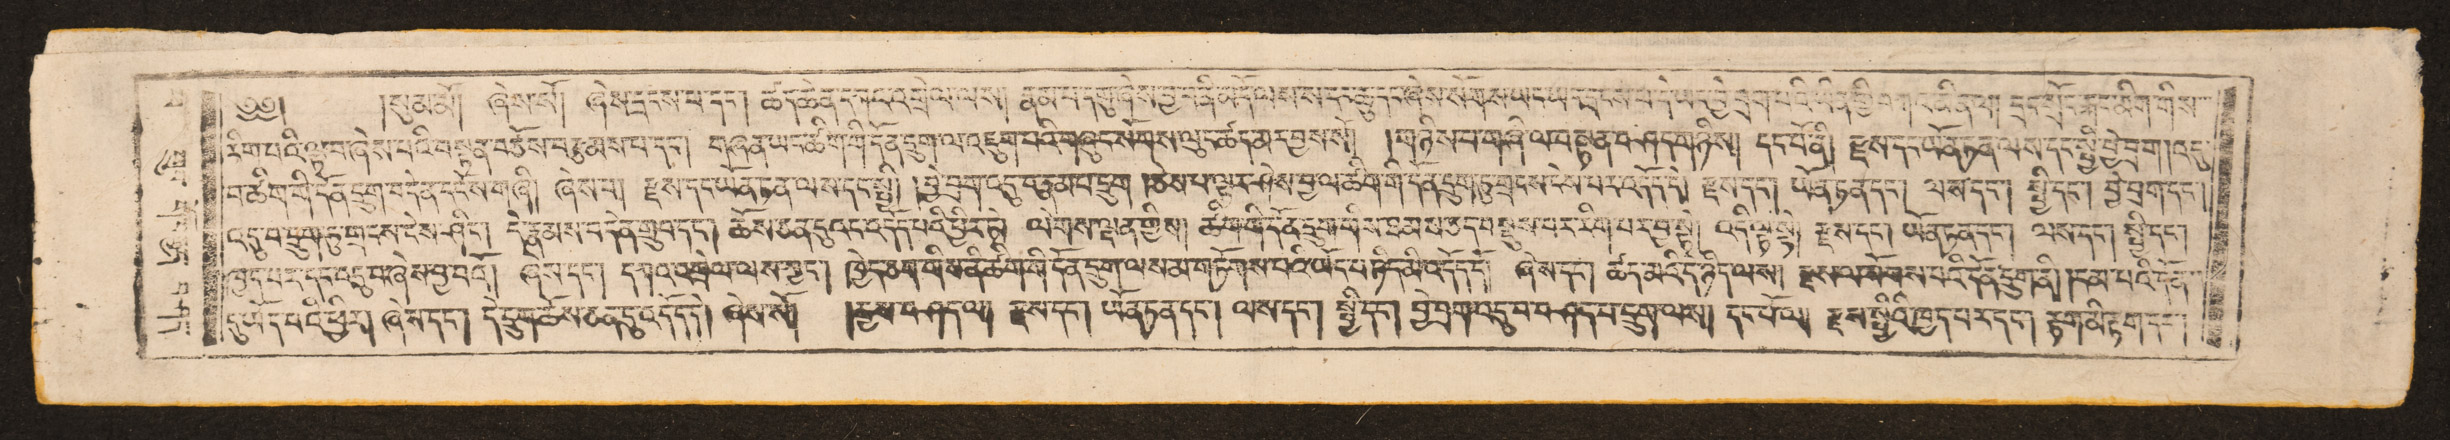༄༅། །སུམ་མོ། །ཞེས་སོ། །ཞེས་དྲངས་པ་དང་། །ཚད་ཆེན་དཀའ་འགྲེལ་ལས། །རྣམ་པ་དགུ་ཞེས་བྱ་བ་ནི་མདོ་ལས་ས་དང་ཆུ་དང་ཞེས་སོགས་ཡང་ཡང་དྲངས་བ་དེ་ཡང་བྱེ་བྲག་བའི་ཡིན་གྱི་བཀའ་མིན་ལ། དྲང་སྲོང་རྐང་མིག་གིས་
རིག་པའི་ལྟ་བ་ཞེས་པའི་བསྟན་བཅོས་བརྩམས་པ་དང་། །གཞན་ཡང་ཚིག་གི་དོན་དྲུག་ལ་འཇུག་པའི་གཞུང་སོགས་ལུང་ཚད་མར་བྱས་སོ། །གཉིས་པ་གཞི་ལ་བསྟན་བཤད་གཉིས། །དང་པོ་ནི། །རྫས་དང་ཡོན་ཏན་ལས་དང་སྤྱི་བྱེ་བྲག །འདུ་
བ་ཚིག་གི་དོན་དྲུག་བདེན་དངོས་གཞི། །ཞེས་པ། །རྫས་དང་ཡོན་ཏན་ལས་དང་སྤྱི། །བྱེ་བྲག་འདུ་བ་རྣམ་པ་དྲུག །ཅེས་པ་ལྟར་ཤེས་བྱ་ལ་ཚིག་གི་དོན་དྲུག་ཏུ་གྲངས་ངེས་པར་འདོད་དེ། །རྫས་དང་། །ཡོན་ཏན་དང་། །ལས་དང་། །སྤྱི་དང་། །བྱེ་བྲག་དང་།
འདུ་བ་དྲུག་ཏུ་གྲངས་ངེས་ཤིང་། དེ་རྣམས་བདེན་གྲུབ་དང་། །ཆོས་ཅན་དུའང་འདོད་པའི་ཕྱིར་ཏེ། །ལེགས་ལྡན་གྱིས། །ཚིག་གི་དོན་དྲུག་གིས་ཐམས་ཅད་བསྡུས་པར་རིག་པར་བྱ་སྟེ། །འདི་ལྟ་སྟེ། །རྫས་དང་། །ཡོན་ཏན་དང་། །ལས་དང་། །སྤྱི་དང་།
ཁྱད་པར་དང་འདུ་བ་ཞེས་བྱ་བའོ། །ཞེས་དང་། །དཀའ་འགྲེལ་ལས་ཀྱང་། །ཁྱེད་ཅག་གིས་ནི་ཚིག་གི་དོན་དྲུག་ལས་མ་གཏོགས་པའི་ཡོད་པ་ཉིད་མི་འདོད་དོ། །ཞེས་དང་། །ཚད་མའི་དེ་ཉིད་ལས། །རྫས་ལ་སོགས་པའི་དོན་དྲུག་ནི། །དམ་པའི་དོན་
དུ་ཡོད་པའི་ཕྱིར། ཞེས་དང་། དེ་དྲུག་ཆོས་ཅན་དུ་འདོད་དེ། །ཞེས་སོ། །རྒྱས་བཤད་ལ། །རྫས་དང་། །ཡོན་ཏན་དང་། །ལས་དང་། སྤྱི་དང་། བྱེ་བྲག་འདུ་བ་བཤད་པ་དྲུག་ལས། དང་པོ་ལ། །རྫས་སྤྱིའི་ཁྱད་པར་དང་། །རྟག་མི་རྟག་དང་།